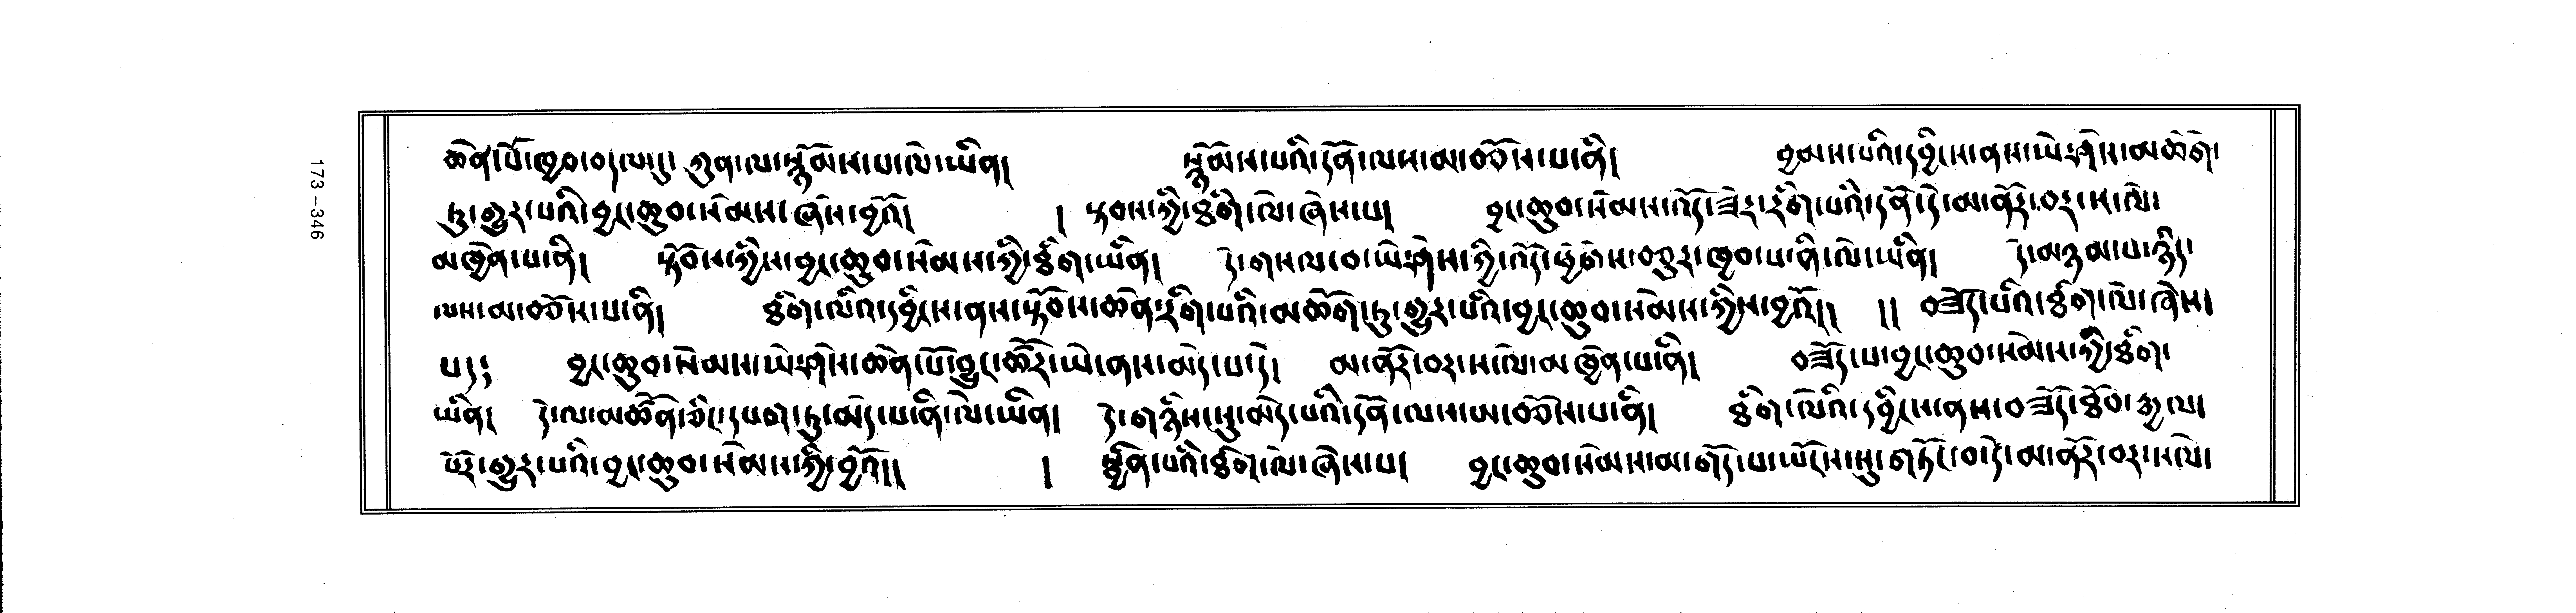ཆེན་པོ་ཁྱབ་བདལ་དུ་ཀུན་ལ་སྙོམས་པ་ལེ་ཡིན། སྙོམས་པའི་དོན་ལ་མ་བཅོས་པ་ནི། བྱམས་པའི་དབྱིངས་ནས་ཡེ་ཤེས་མཆོག་
ཏུ་གྱུར་པའི་བྱང་ཆུབ་སེམས་ཞེས་བྱའོ། །སྟོབས་ཀྱི་ཐིག་ལེ་ཞེས་པ། བྱང་ཆུབ་སེམས་འོད་ཟེར་རིག་པའི་དོན་དེ་མ་ནོར་བར་སལེ་
མཁྱེན་པ་ནི། སྟོབས་ཀྱི་བྱང་ཆུབ་སེམས་ཀྱི་ཐིག་ཡིན། དེ་གསལ་བ་ཡེ་ཤེས་ཀྱི་འོད་ཕྱོགས་བཅུར་ཁྱབ་པ་ནི་ལེ་ཡིན། དེ་མཉམ་པ་ཉིད་
ལས་མ་བཅོས་པ་ནི། ཐིག་ལེའི་དབྱིངས་ནས་སྟོབས་ཆེན་རིག་པའི་མཆོག་ཏུ་གྱུར་པའི་བྱང་ཆུབ་སེམས་ཞེས་བྱའོ། །བཟོད་པའི་ཐིག་ལེ་ཞེས་
པ། བྱང་ཆུབ་སེམས་ཡེ་ཤེས་ཆེན་པོ་བྱུང་ཚོར་ཡེ་ནས་མེད་པ་དེ། མ་ནོར་བར་སལེ་མཁྱེན་པ་ནི། བཟོད་པ་བྱང་ཆུབ་སེམས་ཀྱི་ཐིག་
ཡིན། དེ་ལ་མཚོན་ཅིང་དཔག་ཏུ་མེད་པ་ནི་ལེ་ཡིན། དེ་གཉིས་སུ་མེད་པའི་དོན་ལ་མ་བཅོས་པ་ནི། ཐིག་ལེའི་དབྱིངས་ནས་བཟོད་ཐོབ་རྒྱལ་
པོར་གྱུར་པའི་བྱང་ཆུབ་ཀྱི་སེམས་ཅེས་བྱའོ། །སྦྱིན་པའི་ཐིག་ལེ་ཞེས་པ། བྱང་ཆུབ་སེམས་མ་གོད་ཡོངས་སུ་གཏོང་བ་དེ་མ་ནོར་བར་སལེ་